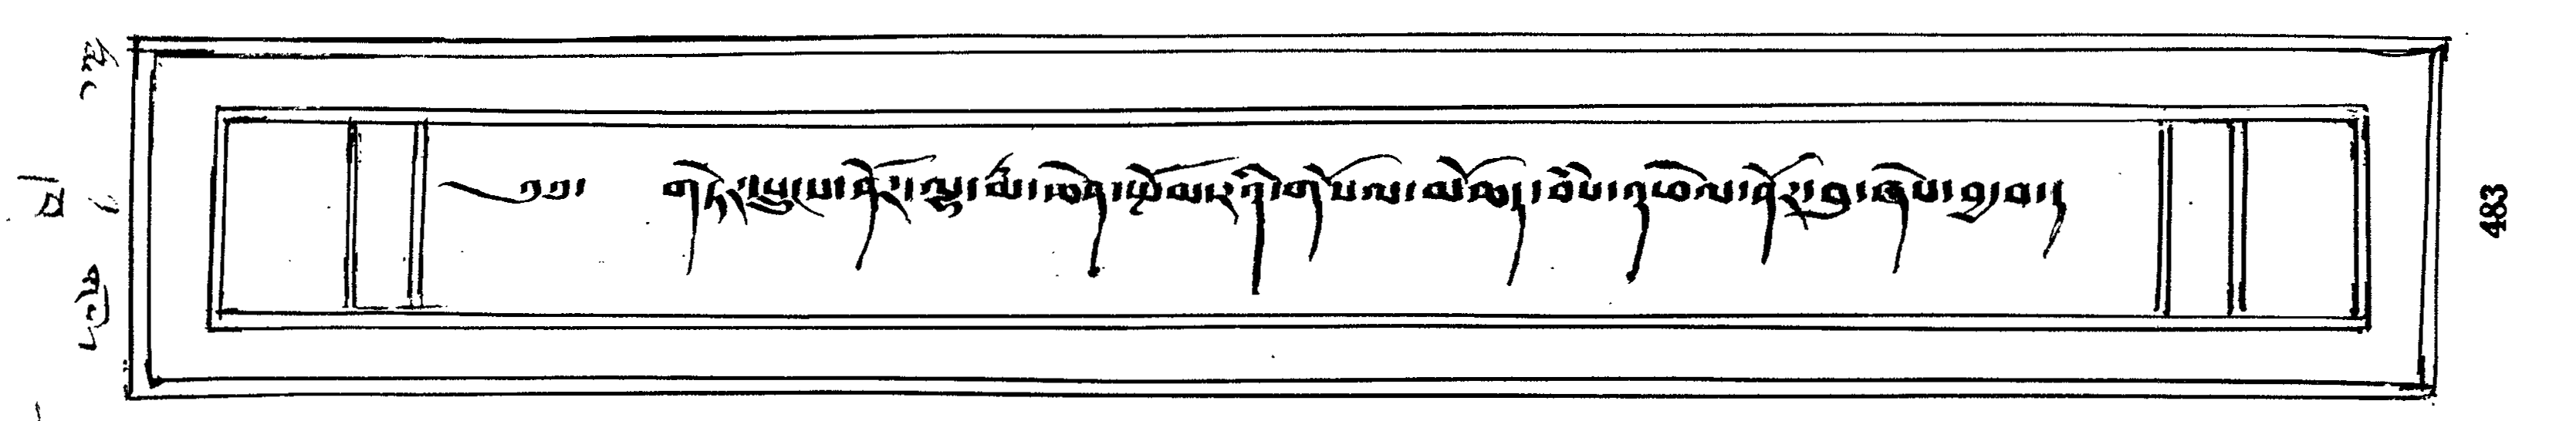༄༅། །གཏེར་སྲུང་ནོར་ལྷ་རྨ་ཆེན་སྤོམ་རའི་གསོལ་མཆོད་བསམ་འཕེལ་ནོར་བུ་ཞེས་བྱ་བ།